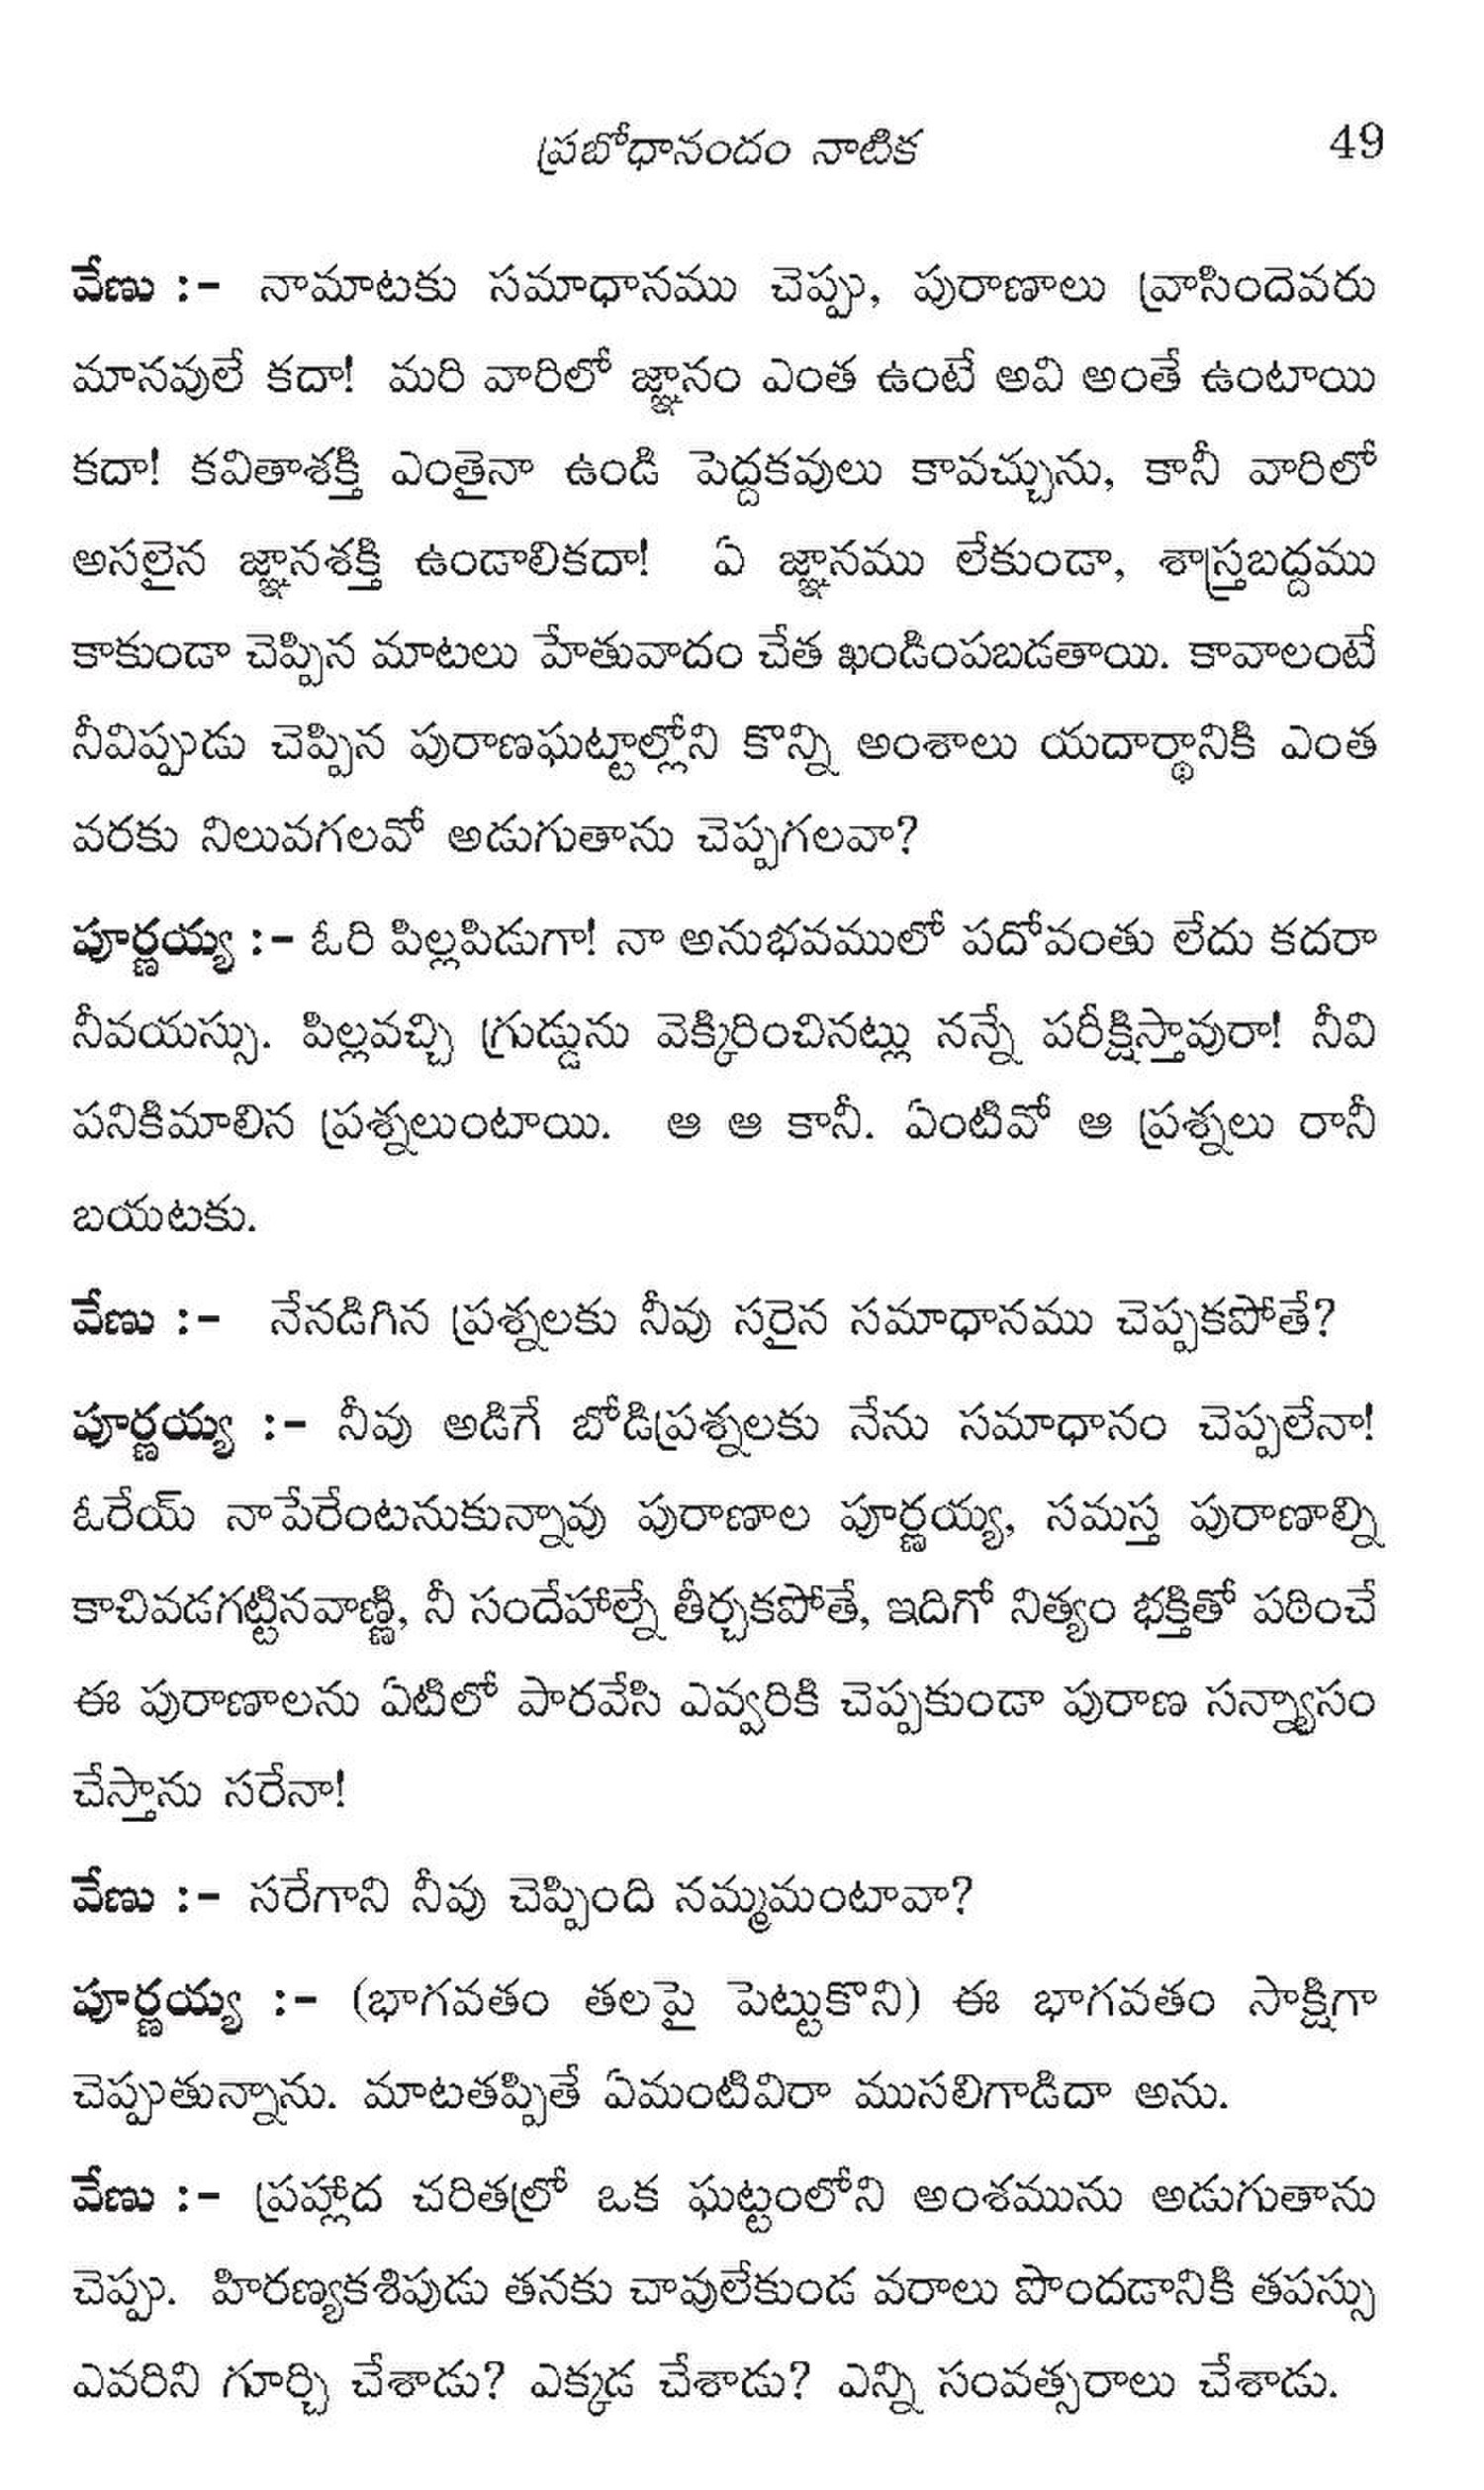వేణు :- నామాటకు సమాధానము చెప్పు, పురాణాలు వ్రాసిందెవరు మానవులే కదా! 	మరి వారిలో జ్ఞానం ఎంత ఉంటే అవి అంతే ఉంటాయి కదా! కవితాశక్తి ఎంతైనా ఉండి పెద్దకవులు కావచ్చును, కానీ వారిలో అసలైన జ్ఞానశక్తి ఉండాలికదా! ఏ జ్ఞానము లేకుండా, శాస్త్రబద్దము కాకుండా చెప్పిన మాటలు హేతువాదం చేత ఖండింపబడతాయి. కావాలంటే నీవిప్పుడు చెప్పిన పురాణఘట్టాల్లోని కొన్ని అంశాలు యదార్థానికి ఎంత వరకు నిలువగలవో అడుగుతాను చెప్పగలవా?

పూర్ణయ్య :- ఓరి పిల్లపిడుగా! నా అనుభవములో పదోవంతు లేదు కదరా నీవయస్సు. పిల్లవచ్చి గ్రుడ్డును వెక్కిరించినట్లు నన్నే పరీక్షిస్తావురా! నీవి పనికిమాలిన ప్రశ్నలుంటాయి. ఆ ఆ కానీ. ఏంటివో ఆ ప్రశ్నలు రానీ బయటకు.

వేణు :-	 నేనడిగిన ప్రశ్నలకు నీవు సరైన సమాధానము చెప్పకపోతే?

పూర్ణయ్య :- నీవు అడిగే బోడిప్రశ్నలకు నేను సమాధానం చెప్పలేనా! ఓరేయ్‌ నాపేరేంటనుకున్నావు పురాణాల పూర్ణయ్య, సమస్త పురాణాల్ని కాచివడగట్టినవాణ్ణి, నీ సందేహాల్నే తీర్చకపోతే, ఇదిగో నిత్యం భక్తితో పఠించే ఈ పురాణాలను ఏటిలో పారవేసి ఎవ్వరికి చెప్పకుండా పురాణ సన్న్యాసం చేస్తాను సరేనా!

వేణు :-	 సరేగాని నీవు చెప్పింది నమ్మమంటావా?

పూర్ణయ్య :- (భాగవతం తలపై పెట్టుకొని) ఈ భాగవతం సాక్షిగా చెప్పుతున్నాను. మాటతప్పితే ఏమంటివిరా ముసలిగాడిదా అను.

వేణు :-	 ప్రహ్లాద చరితల్రో ఒక ఘట్టంలోని అంశమును అడుగుతాను చెప్పు. హిరణ్యకశిపుడు తనకు చావులేకుండ వరాలు పొందడానికి తపస్సు ఎవరిని గూర్చి చేశాడు? ఎక్కడ చేశాడు? ఎన్ని సంవత్సరాలు చేశాడు.